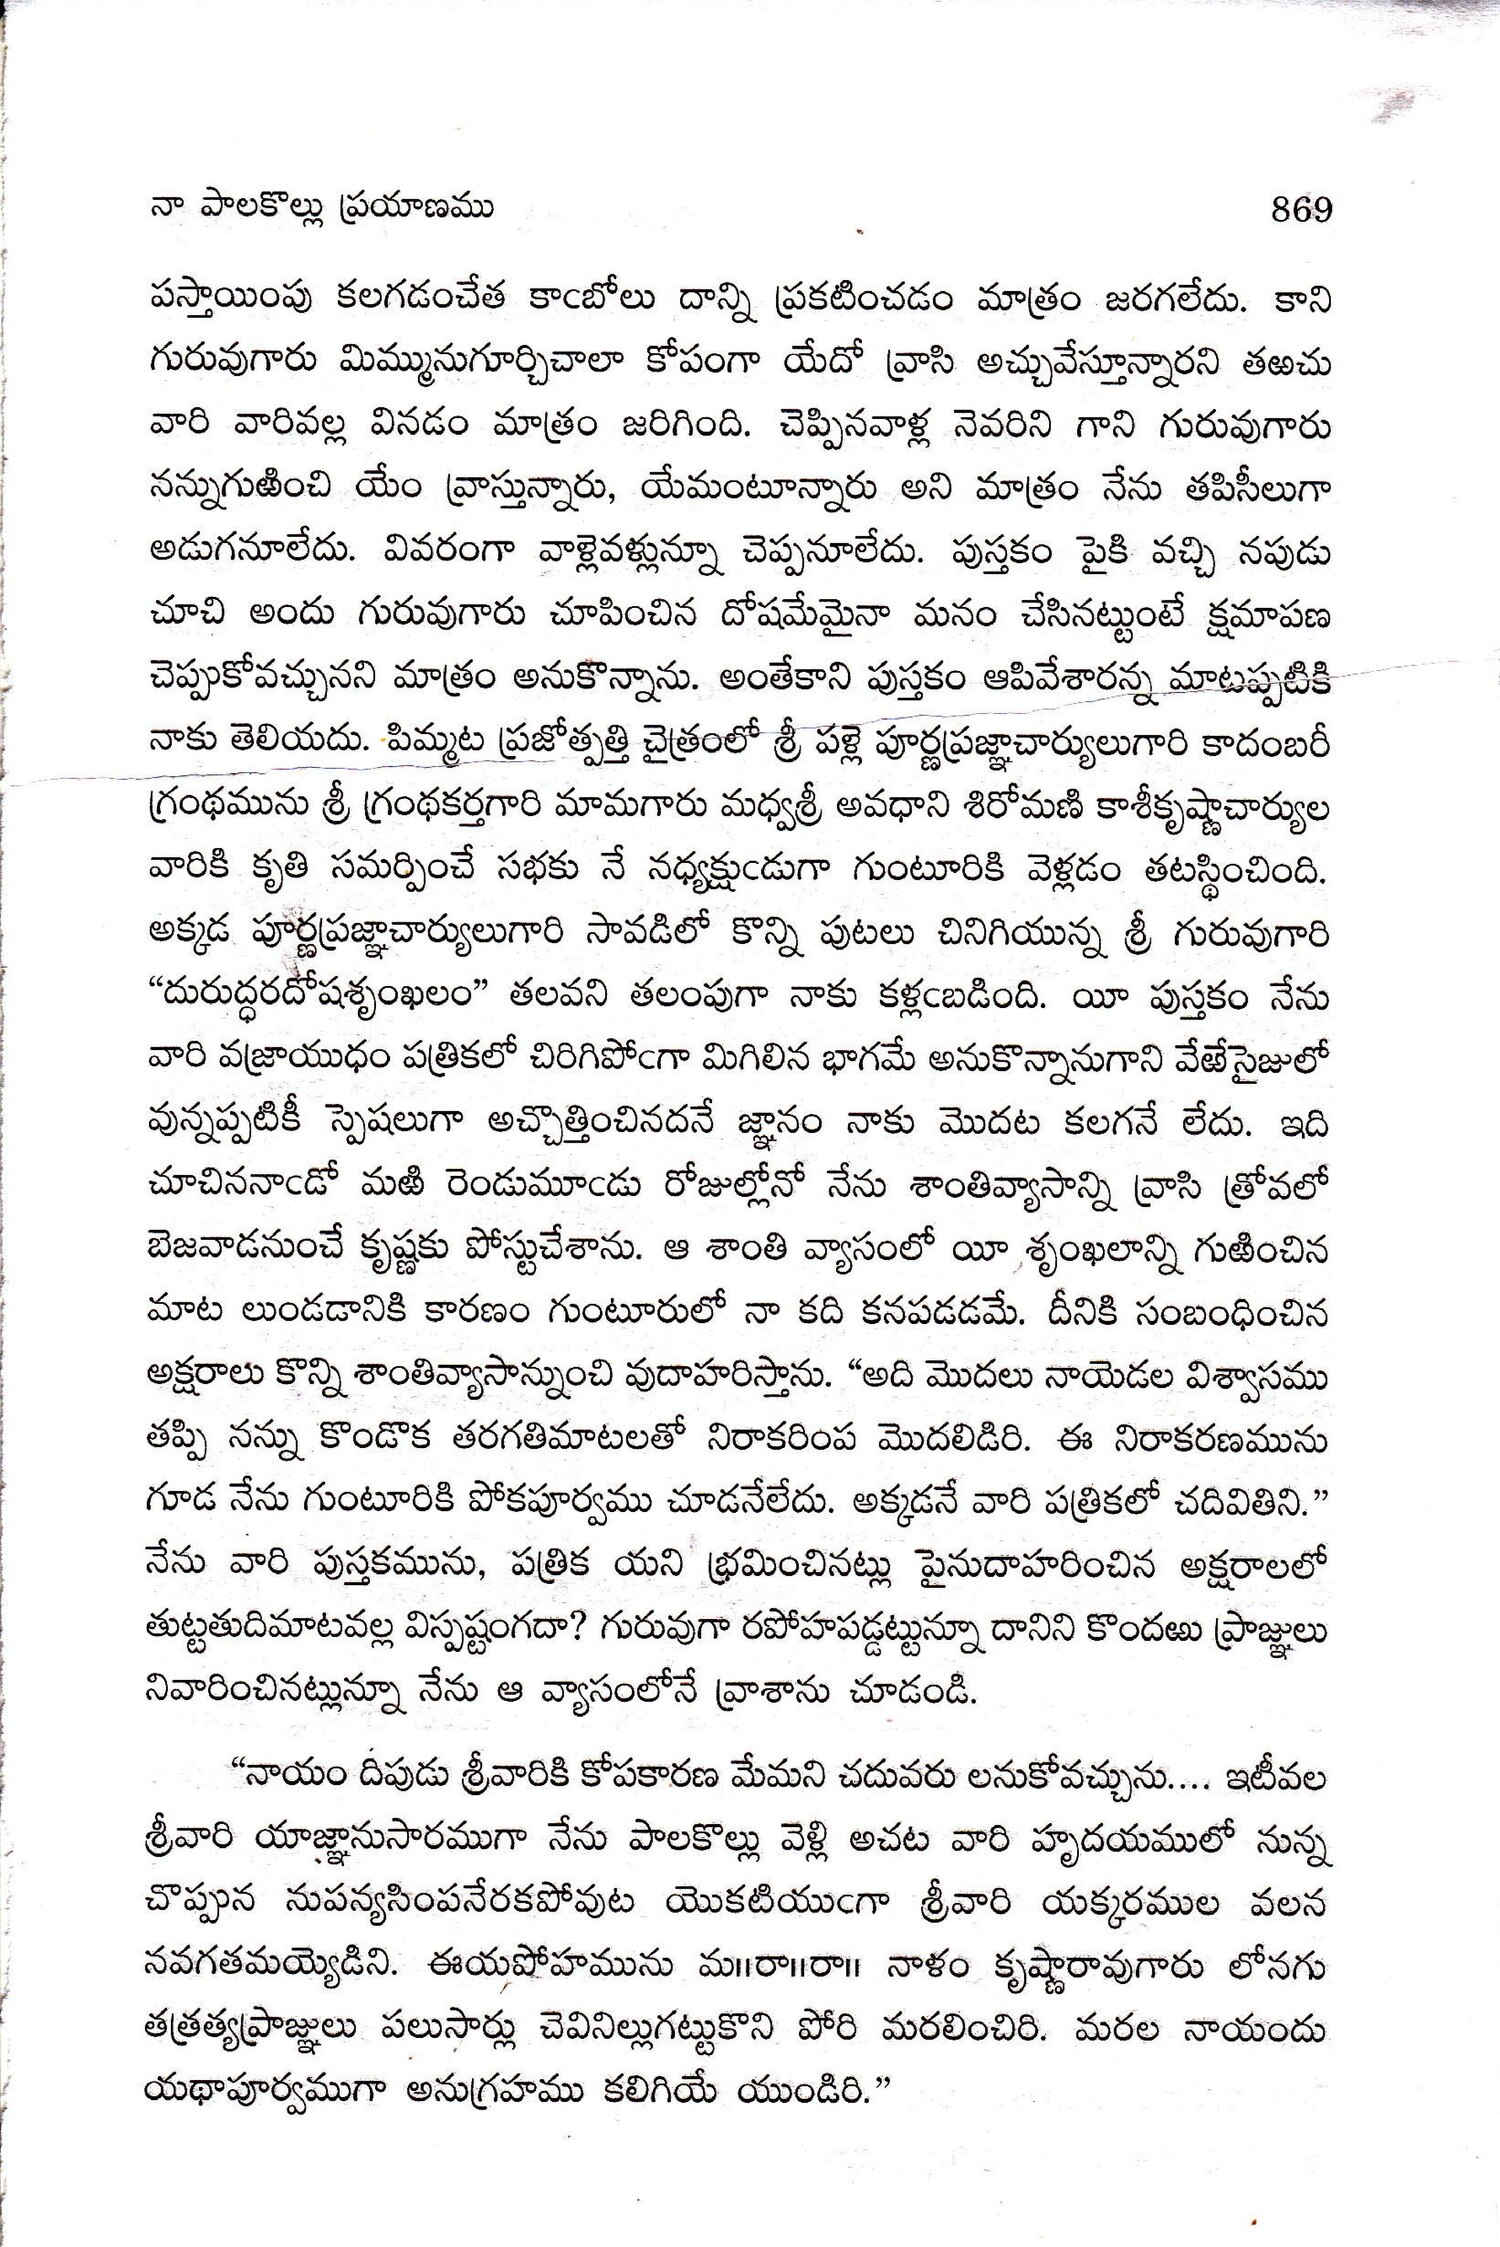పస్తాయింపు కలగడంచేత కాఁబోలు దాన్ని ప్రకటించడం మాత్రం జరగలేదు. కాని గురువుగారు మిమ్మునుగూర్చిచాలా కోపంగా యేదో వ్రాసి అచ్చువేస్తూన్నారని తఱచు వారి వారివల్ల వినడం మాత్రం జరిగింది. చెప్పినవాళ్ల నెవరిని గాని గురువుగారు నన్నుగుఱించి యేం వ్రాస్తున్నారు, యేమంటూన్నారు అని మాత్రం నేను తపిసీలుగా అడుగనూలేదు. వివరంగా వాళ్లేవళ్లున్నూ చెప్పనూలేదు. పుస్తకం పైకి వచ్చి నపుడు చూచి అందు గురువుగారు చూపించిన దోషమేమైనా మనం చేసినట్టుంటే క్షమాపణ చెప్పకోవచ్చునని మాత్రం అనుకొన్నాను. అంతేకాని పుస్తకం ఆపివేశారన్న మాటప్పటికి నాకు తెలియదు. పిమ్మట ప్రజోత్పత్తి చైత్రంలో శ్రీ పళ్లె పూర్ణప్రజ్ఞాచార్యులుగారి కాదంబరీ గ్రంథమును శ్రీ గ్రంథకర్తగారి మామగారు మధ్వశ్రీ అవధాని శిరోమణి కాశీకృష్ణాచార్యుల వారికి కృతి సమర్పించే సభకు నే నధ్యక్షుఁడుగా గుంటూరికి వెళ్లడం తటస్థించింది. అక్కడ పూర్ణప్రజ్ఞాచార్యులుగారి సావడిలో కొన్ని పుటలు చినిగియున్న శ్రీ గురువుగారి “దురుద్ధరదోషశృంఖలం" తలవని తలంపుగా నాకు కళ్లఁబడింది. యీ పుస్తకం నేను వారి వజ్రాయుధం పత్రికలో చిరిగిపోఁగా మిగిలిన భాగమే అనుకొన్నానుగాని వేఱేసైజులో వున్నప్పటికీ స్పెషలుగా అచ్చొత్తించినదనే జ్ఞానం నాకు మొదట కలగనే లేదు. ఇది చూచిననాఁడో మఱి రెండుమూఁడు రోజుల్లోనో నేను శాంతివ్యాసాన్ని వ్రాసి త్రోవలో బెజవాడనుంచే కృష్ణకు పోస్టుచేశాను. ఆ శాంతి వ్యాసంలో యీ శృంఖలాన్ని గుఱించిన మాట లుండడానికి కారణం గుంటూరులో నా కది కనపడడమే. దీనికి సంబంధించిన అక్షరాలు కొన్ని శాంతివ్యాసాన్నుంచి వుదాహరిస్తాను. "అది మొదలు నాయెడల విశ్వాసము తప్పి నన్ను కొండొక తరగతిమాటలతో నిరాకరింప మొదలిడిరి. ఈ నిరాకరణమును గూడ నేను గుంటూరికి పోకపూర్వము చూడనేలేదు. అక్కడనే వారి పత్రికలో చదివితిని." నేను వారి పుస్తకమును, పత్రిక యని భ్రమించినట్లు పైనుదాహరించిన అక్షరాలలో తుట్టతుదిమాటవల్ల విస్పష్టంగదా? గురువుగా రపోహపడ్డట్టున్నూదానిని కొందఱు ప్రాజ్ఞులు నివారించినట్లున్నూ నేను ఆ వ్యాసంలోనే వ్రాశాను చూడండి.

“నాయం దిపుడు శ్రీవారికి కోపకారణమేమని చదువరు లనుకోవచ్చును.... ఇటీవల శ్రీవారి యాజ్ఞానుసారముగా నేను పాలకొల్లు వెళ్లి అచట వారి హృదయములో నున్న చొప్పున నుపన్యసింపనేరకపోవుట యొకటియుఁగా శ్రీవారి యక్కరముల వలన నవగతమయ్యెడిని. ఈయపోహమును మIIరా||రా|| నాళం కృష్ణారావుగారు లోనగు తత్రత్యప్రాజ్ఞులు పలుసార్లు చెవినిల్లుగట్టుకొని పోరి మరలించిరి. మరల నాయందు యథాపూర్వముగా అనుగ్రహము కలిగియే యుండిరి.”